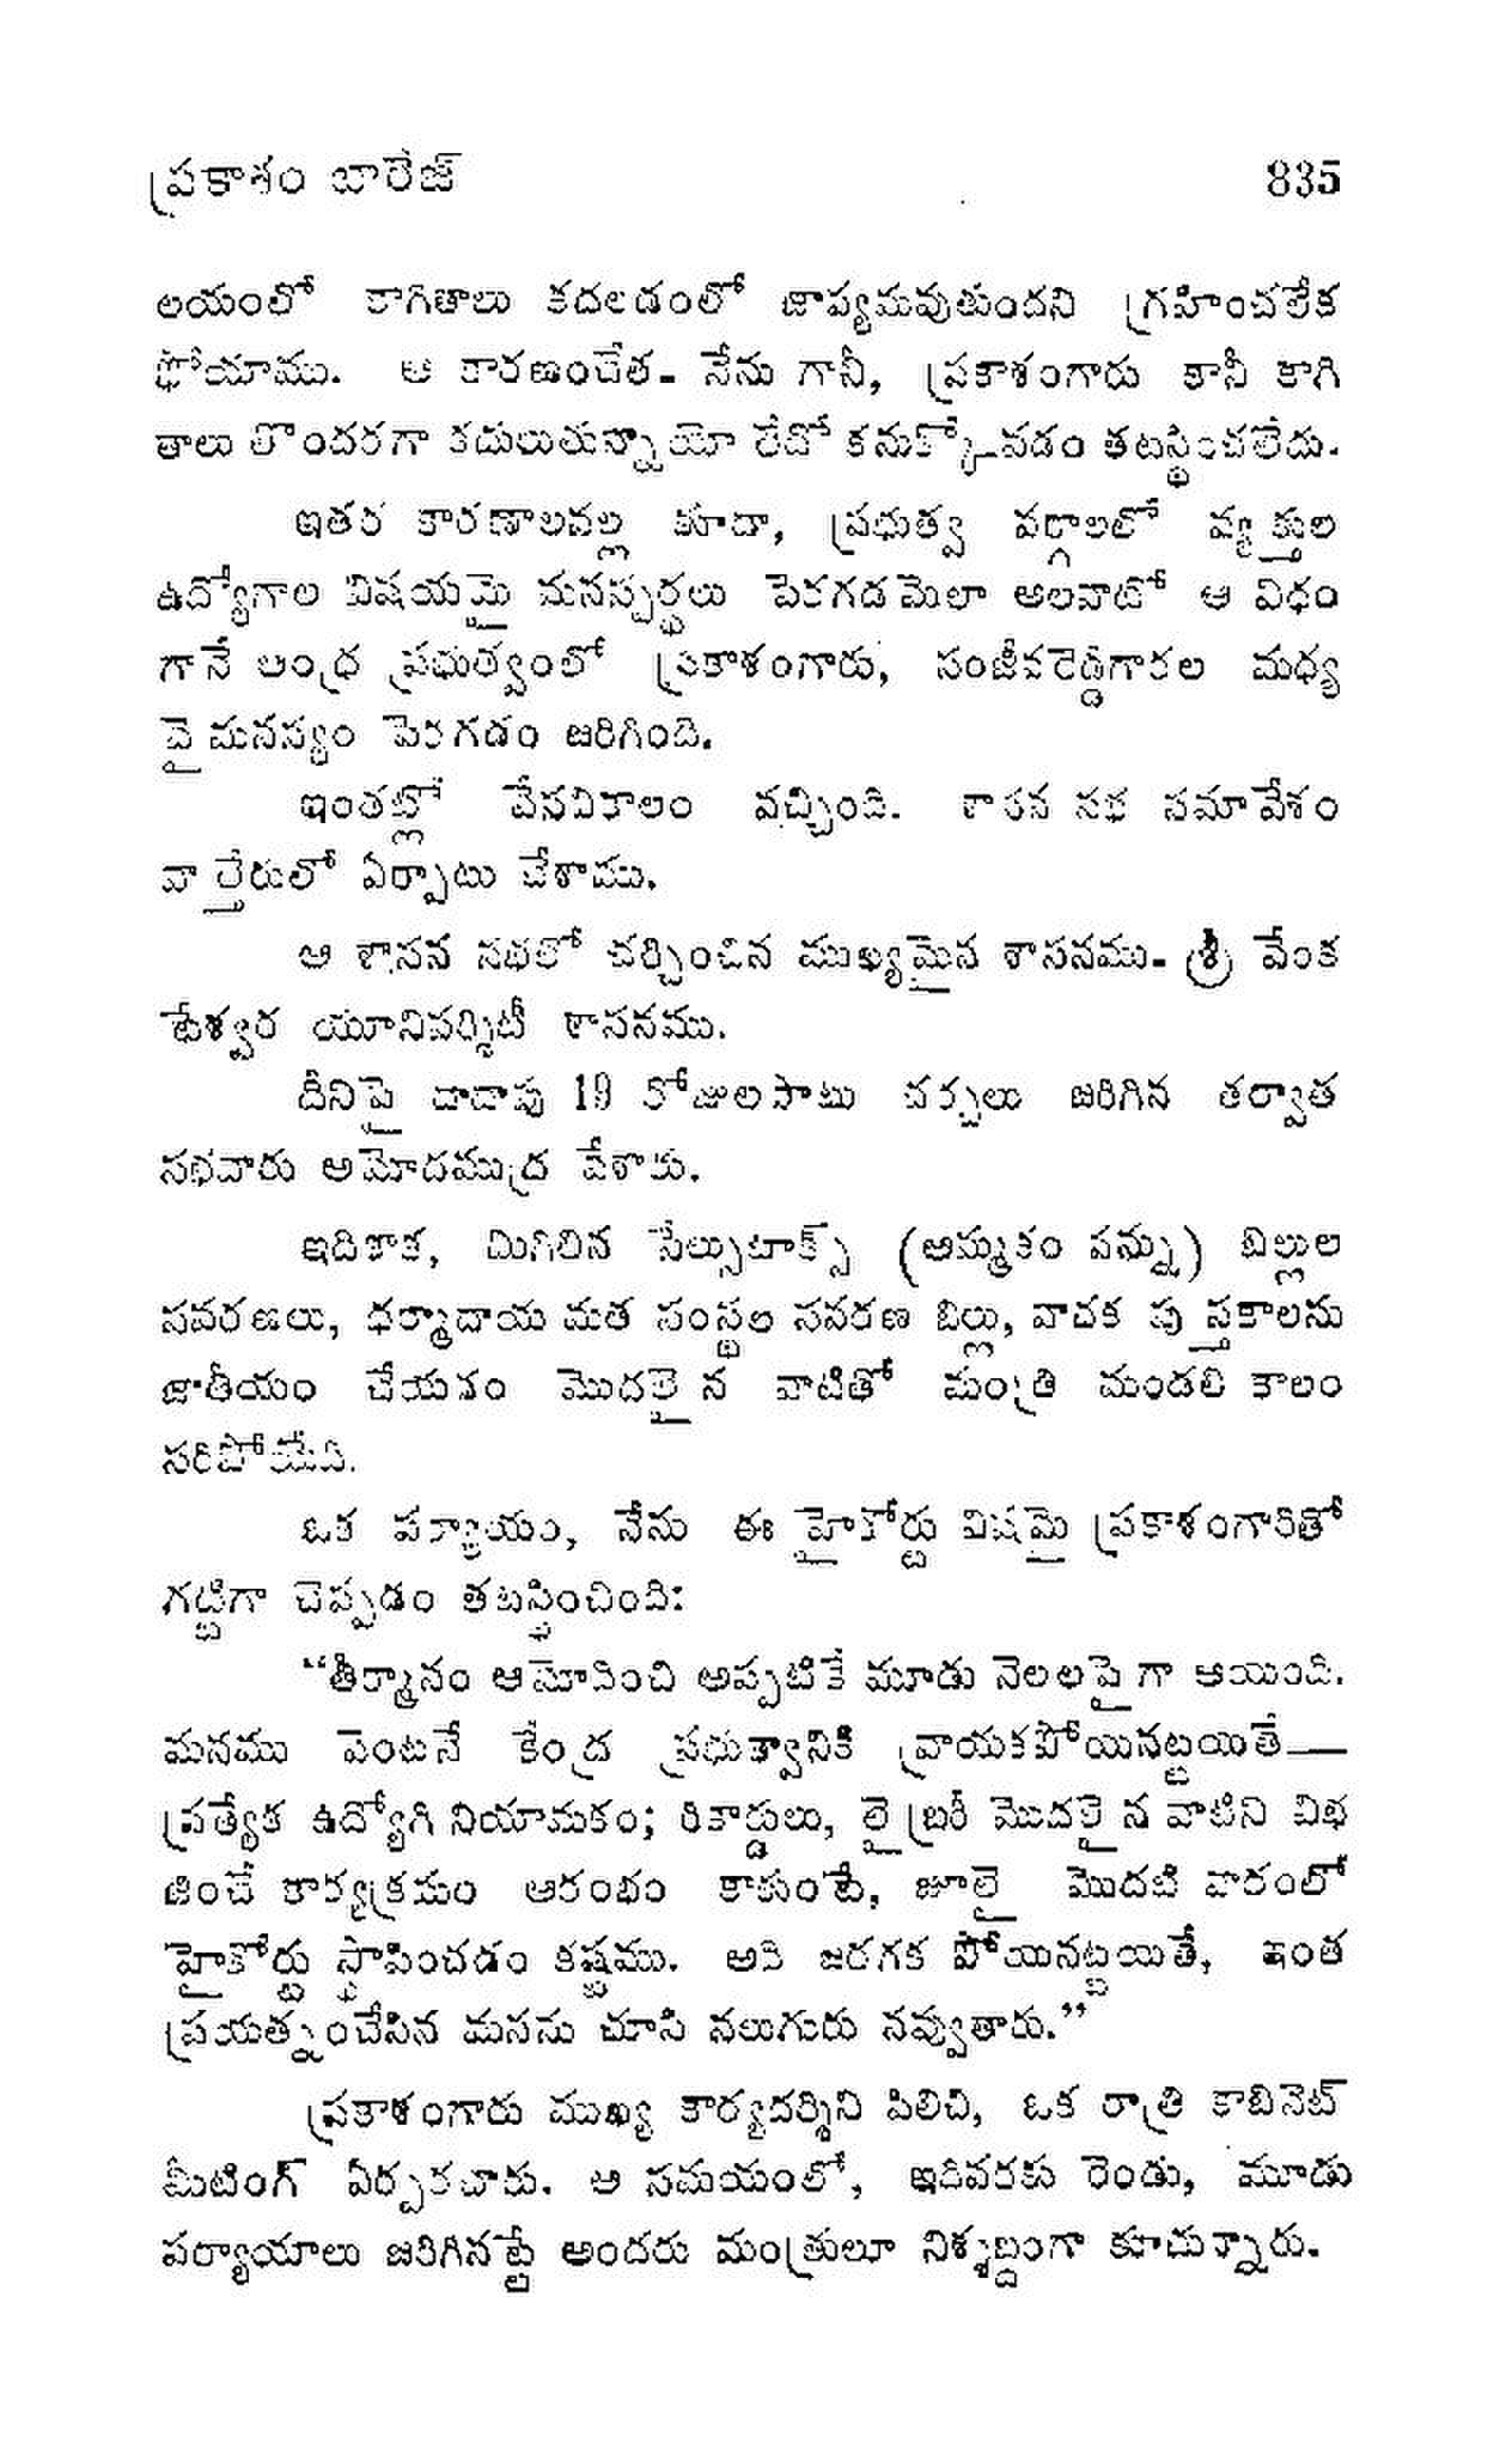లయంలో కాగితాలు కదలడంలో జాప్యమవుతుందని గ్రహించలేక పోయాము. ఆ కారణంచేత - నేను గానీ, ప్రకాశంగారు కానీ కాగితాలు తొందరగా కదులుతున్నాయో లేదో కనుక్కోవడం తటస్థించలేదు.

ఇతర కారణాలవల్ల కూడా, ప్రభుత్వ వర్గాలలో వ్యక్తుల ఉద్యోగాల విషయమై మనస్పర్థలు పెరగడమెలా అలవాటో ఆ విధంగానే ఆంధ్ర ప్రభుత్వంలో ప్రకాశంగారు, సంజీవరెడ్డిగారల మధ్య వైమనస్యం పెరగడం జరిగింది.

ఇంతట్లో వేసవికాలం వచ్చింది. శాసన సభ సమావేశం వాల్తేరులో ఏర్పాటు చేశాము.

ఆ శాసన సభలో చర్చించిన ముఖ్యమైన శాసనము - శ్రీ వేంకటేశ్వర యూనివర్శిటీ శాసనము.

దీనిపై దాదాపు 19 రోజులపాటు చర్చలు జరిగిన తర్వాత సభవారు ఆమోదముద్ర వేశారు.

ఇదికాక, మిగిలిన సేల్సుటాక్స్ (అమ్మకం పన్ను) బిల్లుల సవరణలు, ధర్మాదాయ మత సంస్థల సవరణ బిల్లు, వాచక పుస్తకాలను జాతీయం చేయడం మొదలైన వాటితో మంత్రి మండలి కాలం సరిపోయేది.

ఒక పర్యాయం, నేను ఈ హైకోర్టు విషయమై ప్రకాశంగారితో గట్టిగా చెప్పడం తటస్థించింది:

"తీర్మానం ఆమోదించి అప్పటికే మూడు నెలలపైగా అయింది. మనము వెంటనే కేంద్ర ప్రభుత్వానికి వ్రాయకపోయినట్టయితే - ప్రత్యేక ఉద్యోగి నియామకం; రికార్డులు, లైబ్రరీ మొదలైన వాటిని విభజించే కార్యక్రమం ఆరంభం కాకుంటే, జూలై మొదటి వారంలో హైకోర్టు స్థాపించడం కష్టము. అది జరగక పోయినట్టయితే, ఇంత ప్రయత్నంచేసిన మనను చూసి నలుగురు నవ్వుతారు."

ప్రకాశంగారు ముఖ్య కార్యదర్శిని పిలిచి, ఒక రాత్రి కాబినెట్ మీటింగ్ ఏర్పరచారు. ఆ సమయంలో, ఇదివరకు రెండు, మూడు పర్యాయాలు జరిగినట్టే అందరు మంత్రులూ నిశ్శబ్దంగా కూచున్నారు.